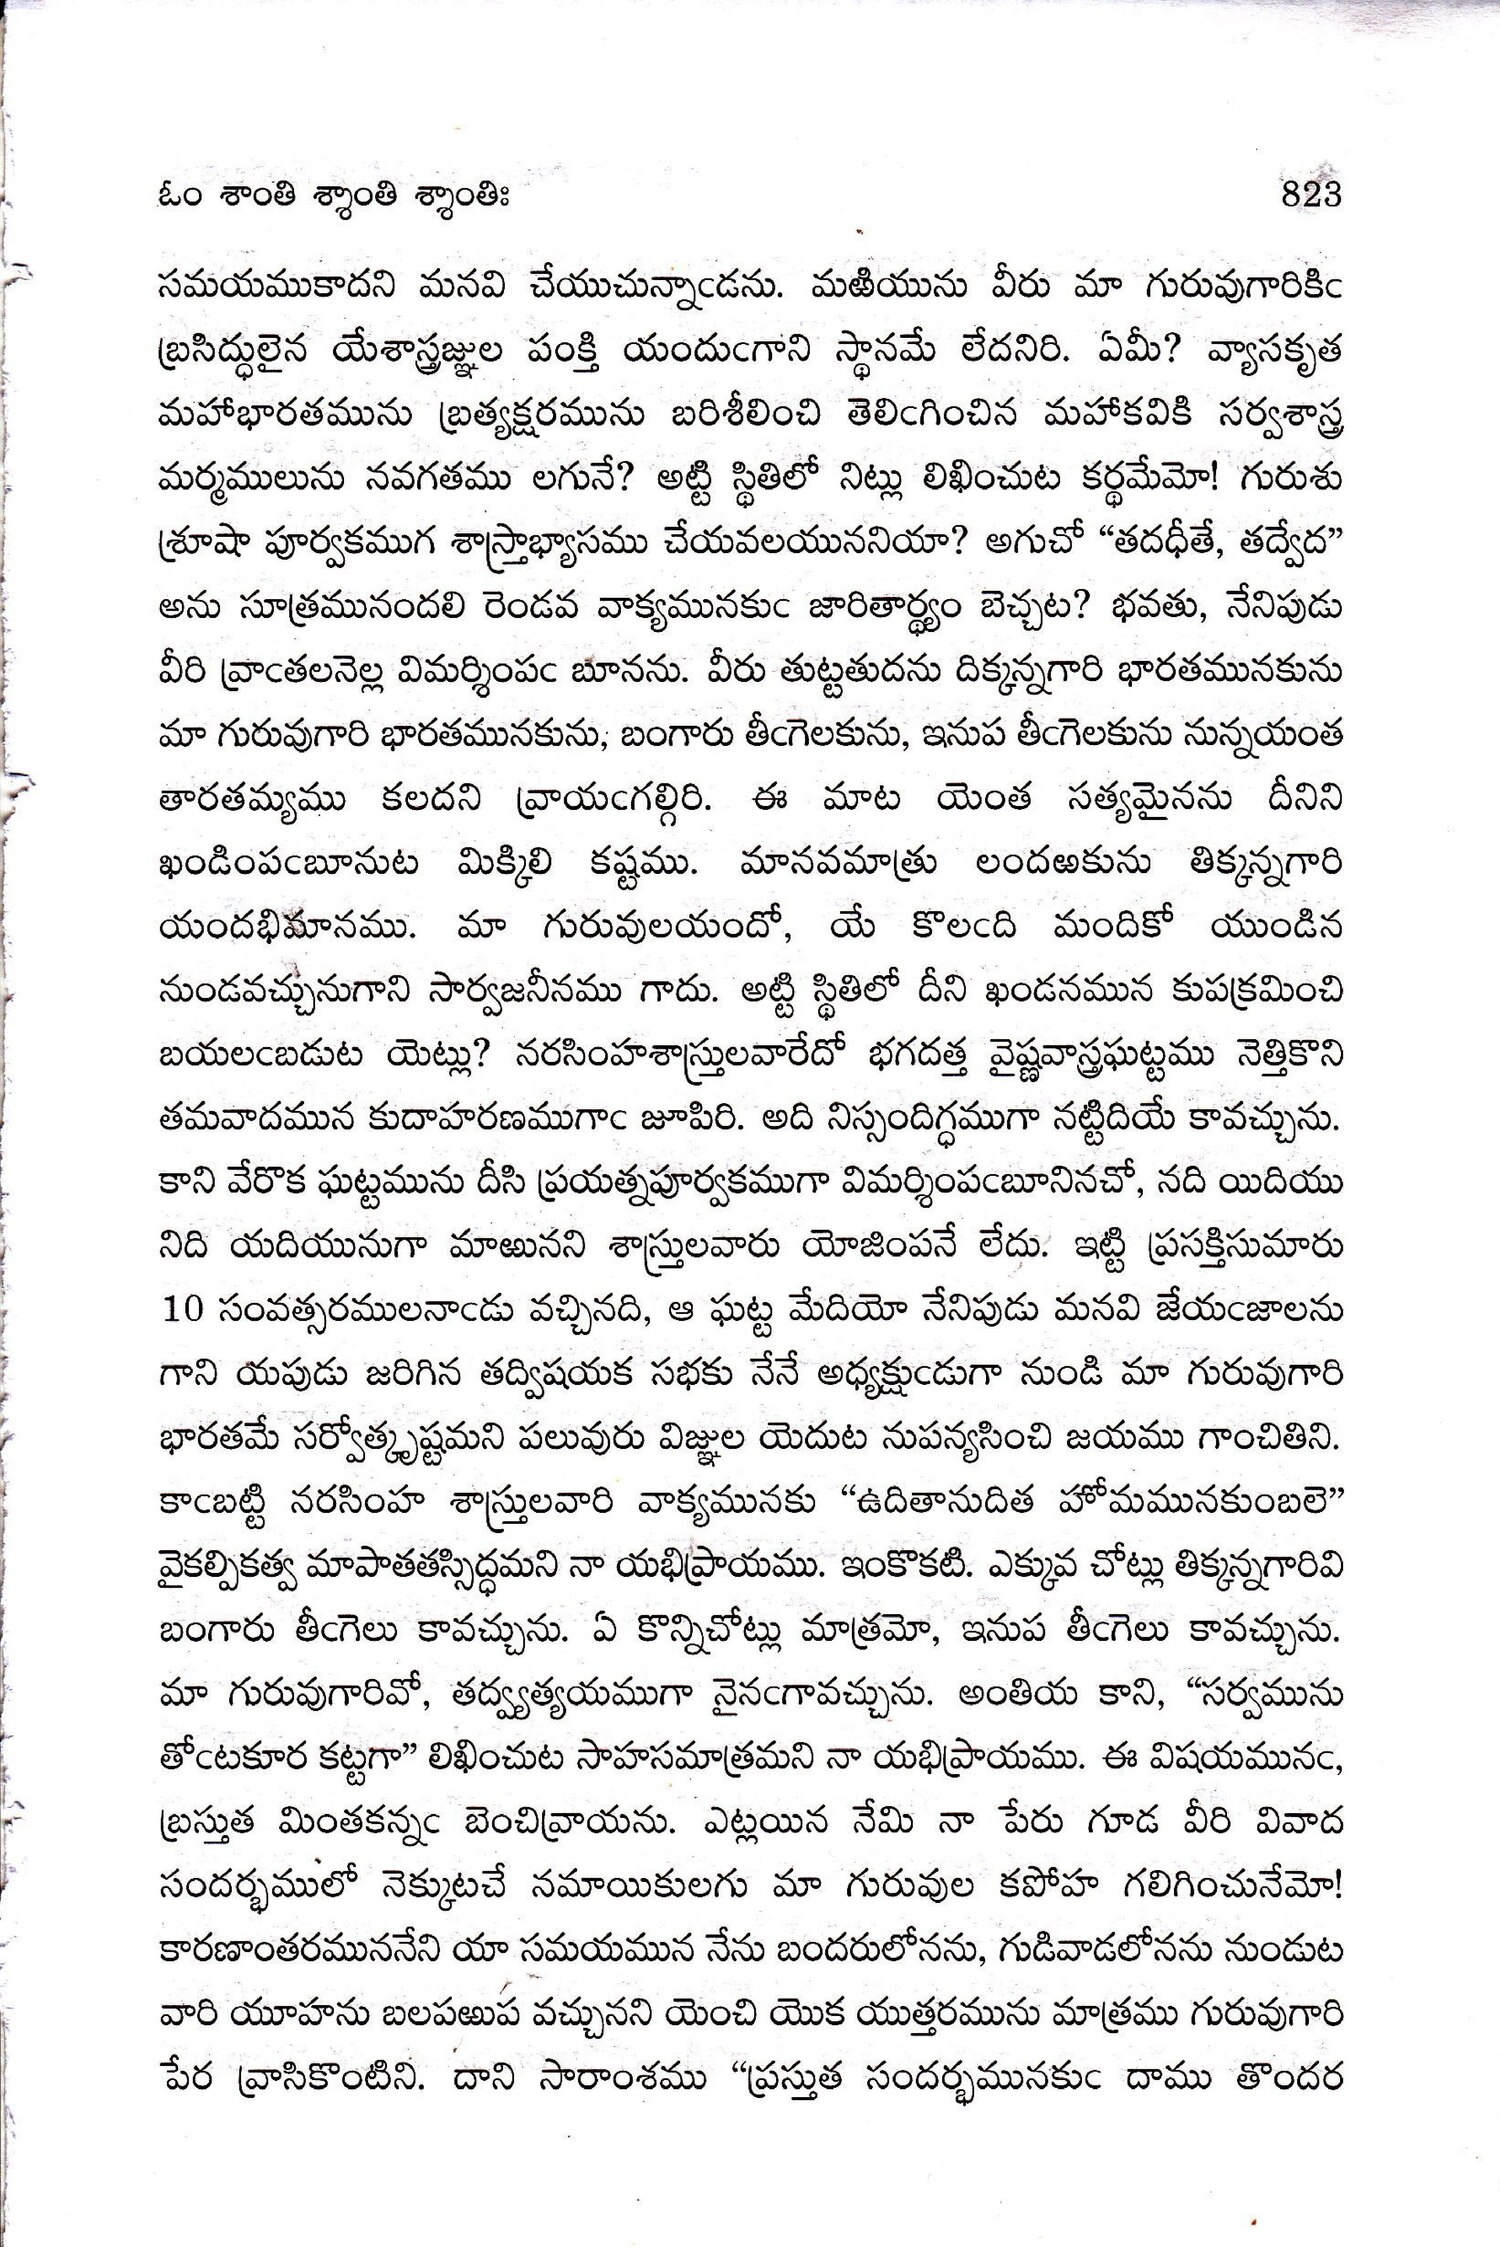సమయముకాదని మనవి చేయుచున్నాఁడను. మఱియును వీరు మా గురువుగారికిఁ బ్రసిద్దులైన యేశాస్త్రజ్ఞుల పంక్తి యందుఁగాని స్థానమే లేదనిరి. ఏమీ? వ్యాసకృత మహాభారతమును బ్రత్యక్షరమును బరిశీలించి తెలిఁగించిన మహాకవికి సర్వశాస్త్ర మర్మములును నవగతము లగునే? అట్టి స్థితిలో నిట్లు లిఖించుట కర్థమేమో! గురుశుశ్రూషా పూర్వకముగ శాస్త్రాభ్యాసము చేయవలయుననియా? అగుచో "తదధీతే, తద్వేద" అను సూత్రమునందలి రెండవ వాక్యమునకుఁ జారితార్థ్యం బెచ్చట? భవతు, నేనిపుడు వీరి వ్రాఁతలనెల్ల విమర్శింపఁ బూనను. వీరు తుట్టతుదను దిక్కన్నగారి భారతమునకును మా గురువుగారి భారతమునకును, బంగారు తీఁగెలకును, ఇనుప తీఁగెలకును నున్నయంత తారతమ్యము కలదని వ్రాయఁగల్గిరి. ఈ మాట యెంత సత్యమైనను దీనిని ఖండింపఁబూనుట మిక్కిలి కష్టము. మానవమాత్రు లందఱకును తిక్కన్నగారి యందభిమానము. మా గురువులయందో, యే కొలఁది మందికో యుండిన నుండవచ్చునుగాని సార్వజనీనము గాదు. అట్టి స్థితిలో దీని ఖండనమున కుపక్రమించి బయలఁబడుట యెట్లు? నరసింహశాస్త్రులవారేదో భగదత్త వైష్ణవాస్త్రఘట్టము నెత్తికొని తమవాదమున కుదాహరణముగాఁ జూపిరి. అది నిస్సందిగ్ధముగా నట్టిదియే కావచ్చును. కాని వేరొక ఘట్టమును దీసి ప్రయత్నపూర్వకముగా విమర్శింపఁబూనినచో, నది యిదియు నిది యదియునుగా మాఱునని శాస్త్రులవారు యోజింపనే లేదు. ఇట్టి ప్రసక్తిసుమారు 10 సంవత్సరములనాఁడు వచ్చినది, ఆ ఘట్ట మేదియో నేనిపుడు మనవి జేయఁజాలను గాని యపుడు జరిగిన తద్విషయక సభకు నేనే అధ్యక్షుఁడుగా నుండి మా గురువుగారి భారతమే సర్వోత్కృష్టమని పలువురు విజ్ఞుల యెదుట నుపన్యసించి జయము గాంచితిని. కాఁబట్టి నరసింహ శాస్త్రులవారి వాక్యమునకు "ఉదితానుదిత హోమమునకుంబలె" వైకల్పికత్వ మాపాతతస్సిద్ధమని నాయభిప్రాయము. ఇంకొకటి. ఎక్కువ చోట్లు తిక్కన్నగారివి బంగారు తీఁగెలు కావచ్చును. ఏ కొన్నిచోట్లు మాత్రమో, ఇనుప తీఁగెలు కావచ్చును. మా గురువుగారివో, తద్వ్యత్యయముగా నైనఁగావచ్చును. అంతియ కాని, “సర్వమును తోఁటకూర కట్టగా" లిఖించుట సాహసమాత్రమని నా యభిప్రాయము. ఈ విషయమునఁ, బ్రస్తుత మింతకన్నఁ బెంచివ్రాయను. ఎట్లయిన నేమి నా పేరు గూడ వీరి వివాద సందర్భములో నెక్కుటచే నమాయికులగు మా గురువుల కపోహ గలిగించునేమో! కారణాంతరముననేని యా సమయమున నేను బందరులోనను, గుడివాడలోనను నుండుట వారి యూహను బలపఱుప వచ్చునని యెంచి యొక యుత్తరమును మాత్రము గురువుగారి పేర వ్రాసికొంటిని. దాని సారాంశము "ప్రస్తుత సందర్భమునకుఁ దాము తొందర